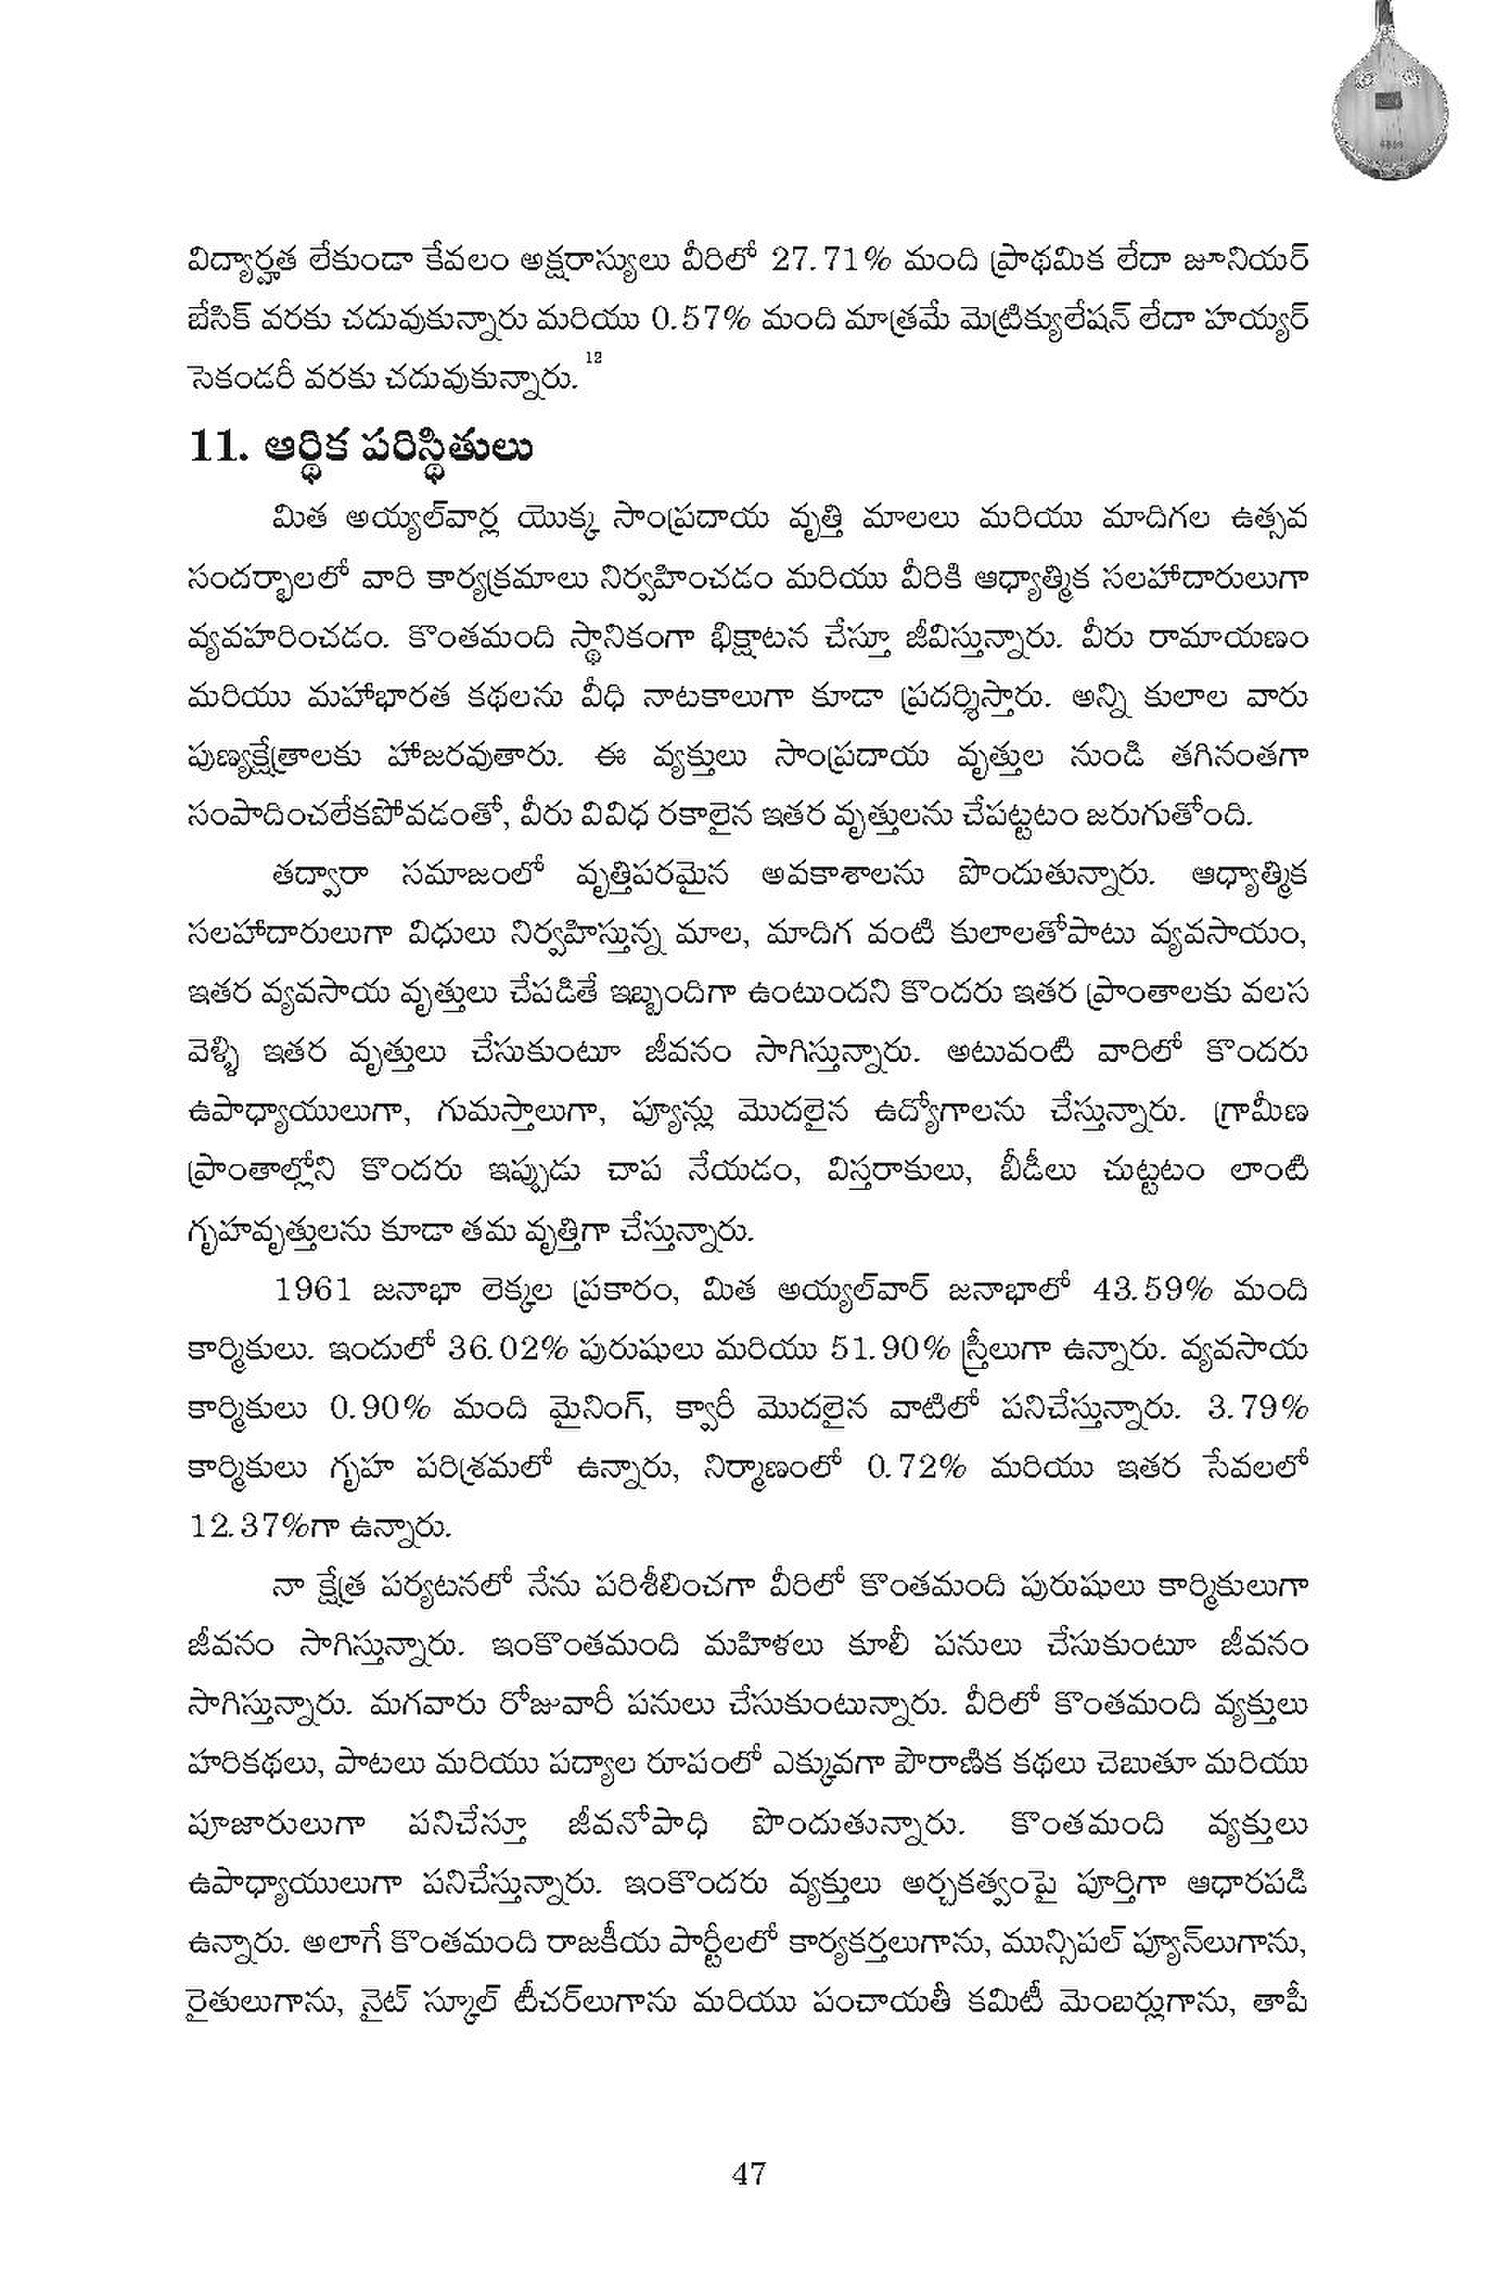విద్యార్హత లేకుండా కేవలం అక్షరాస్యులు వీరిలో 27.71% మంది ప్రాథమిక లేదా జూనియర్ బేసిక్ వరకు చదువుకున్నారు మరియు 0.57% మంది మాత్రమే మెట్రిక్యులేషన్ లేదా హయ్యర్ సెకండరీ వరకు చదువుకున్నారు.12

11. ఆర్థిక పరిస్థితులు 

మిత అయ్యల్వార్ల యొక్క సాంప్రదాయ వృత్తి మాలలు మరియు మాదిగల ఉత్సవ సందర్భాలలో వారి కార్యక్రమాలు నిర్వహించడం మరియు వీరికి ఆధ్యాత్మిక సలహాదారులుగా వ్యవహరించడం. కొంతమంది స్థానికంగా భిక్షాటన చేస్తూ జీవిస్తున్నారు. వీరు రామాయణం మరియు మహాభారత కథలను వీధి నాటకాలుగా కూడా ప్రదర్శిస్తారు. అన్ని కులాల వారు
పుణ్యక్షేత్రాలకు హాజరవుతారు. ఈ వ్యక్తులు సాంప్రదాయ వృత్తుల నుండి తగినంతగా సంపాదించ లేకపోవడంతో, వీరు వివిధ రకాలైన ఇతర వృత్తులను చేపట్టటం జరుగుతోంది.

తద్వారా సమాజంలో వృత్తిపరమైన అవకాశాలను పొందుతున్నారు. ఆధ్యాత్మిక సలహాదారులుగా విధులు నిర్వహిస్తున్న మాల, మాదిగ వంటి కులాలతోపాటు వ్యవసాయం, ఇతర వ్యవసాయ వృత్తులు చేపడితే ఇబ్బందిగా ఉంటుందని కొందరు ఇతర ప్రాంతాలకు వలస వెళ్ళి ఇతర వృత్తులు చేసుకుంటూ జీవనం సాగిస్తున్నారు. అటువంటి వారిలో కొందరు
ఉపాధ్యాయులుగా, గుమస్తాలుగా, ప్యూన్లు మొదలైన ఉద్యోగాలను చేస్తున్నారు. గ్రామీణ ప్రాంతాల్లోని కొందరు ఇప్పుడు చాప నేయడం, విస్తరాకులు, బీడీలు చుట్టటం లాంటి గృహవృత్తులను కూడా తమ వృత్తిగా చేస్తున్నారు.

1961 జనాభా లెక్కల ప్రకారం, మిత అయ్యల్వార్ జనాభాలో 43.59% మంది కార్మికులు. ఇందులో 36.02% పురుషులు మరియు 51.90% స్త్రీలుగా ఉన్నారు. వ్యవసాయ కార్మికులు 0.90% మంది మైనింగ్, క్వారీ మొదలైన వాటిలో పనిచేస్తున్నారు. 3.79% కార్మికులు గృహ పరిశ్రమలో ఉన్నారు, నిర్మాణంలో 0.72% మరియు ఇతర సేవలలో 12.37%గా ఉన్నారు.

క్షేత్ర పర్యటనలో నేను పరిశీలించగా వీరిలో కొంతమంది పురుషులు కార్మికులుగా జీవనం సాగిస్తున్నారు. ఇంకొంతమంది మహిళలు కూలీ పనులు చేసుకుంటూ జీవనం సాగిస్తున్నారు. మగవారు రోజువారీ పనులు చేసుకుంటున్నారు. వీరిలో కొంతమంది వ్యక్తులు హరికథలు, పాటలు మరియు పద్యాల రూపంలో ఎక్కువగా పౌరాణిక కథలు చెబుతూ మరియు
పూజారులుగా పనిచేస్తూ జీవనోపాధి పొందుతున్నారు. కొంతమంది వ్యక్తులు ఉపాధ్యాయులుగా పనిచేస్తున్నారు. ఇంకొందరు వ్యక్తులు అర్చకత్వంపై పూర్తిగా ఆధారపడి ఉన్నారు. అలాగే కొంతమంది రాజకీయ పార్టీలలో కార్యకర్తలుగాను, మున్సిపల్ ప్యూన్లుగాను, రైతులుగాను, నైట్ స్కూల్ టీచర్లుగాను మరియు పంచాయతీ కమిటీ మెంబర్లుగాను, తాపీ